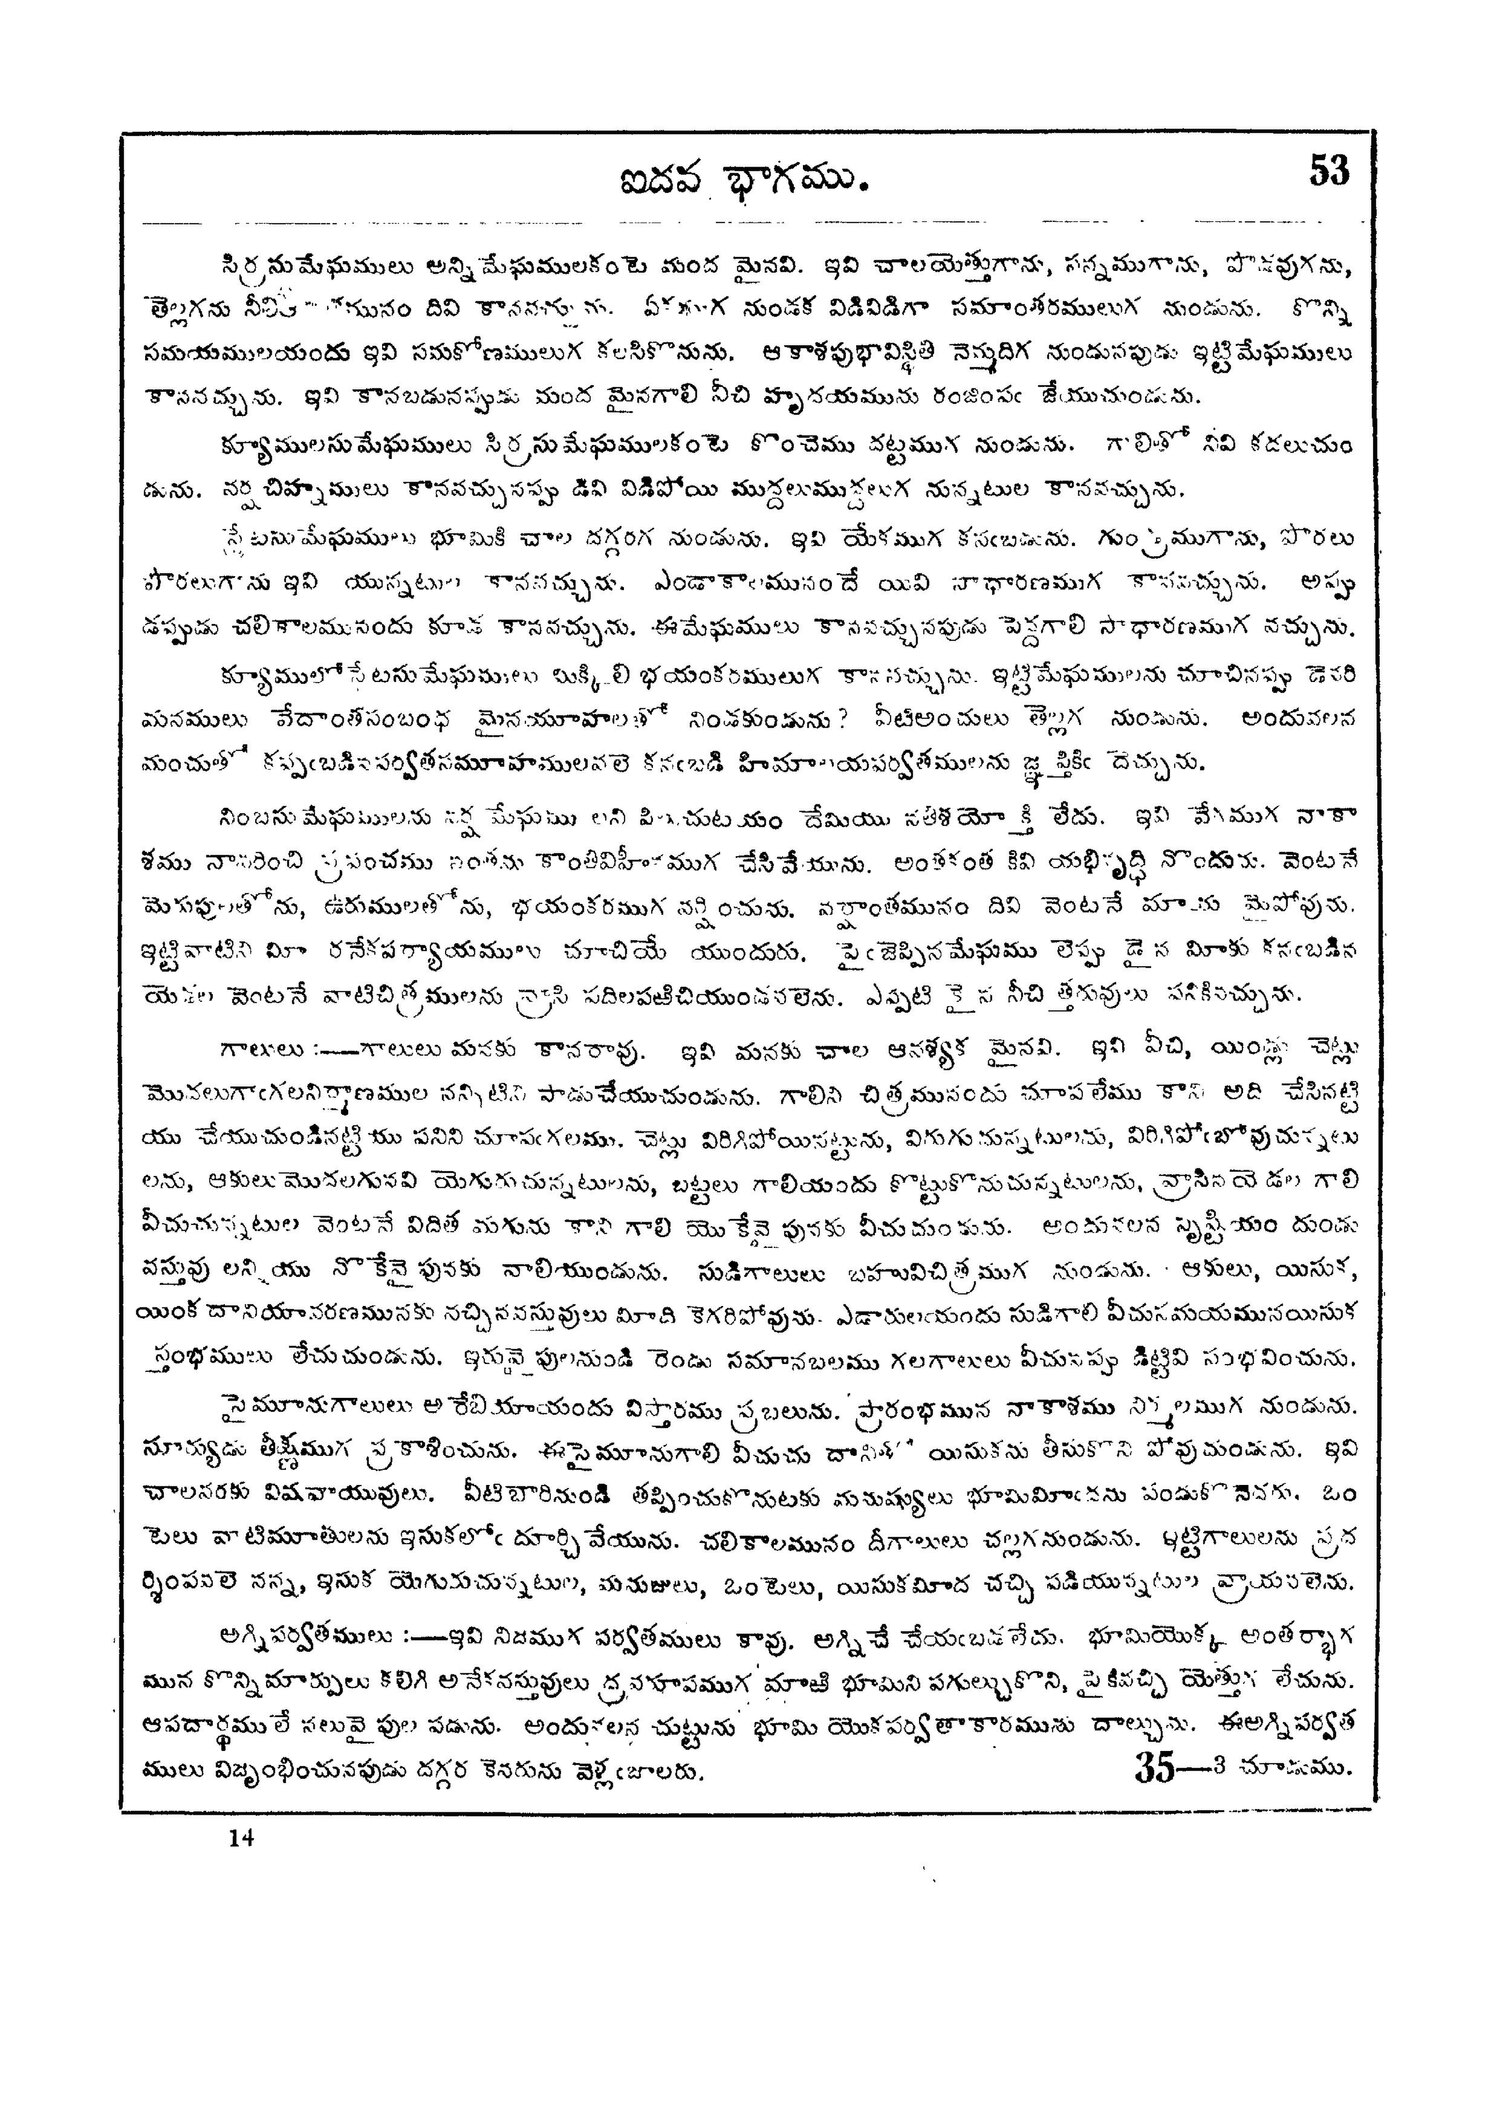సిర్రసుమేఘములు అన్నిమేఘములకంటె మంద మైనవి. ఇవి చాలయెత్తుగాను, సన్నముగాను, పొడవుగను, తెల్లగను నీలితో----మునం దివి కానవచ్చును. ఏకముగ నుండక విడివిడిగా సమాంతరములుగ నుండును. కొన్ని సమయములయందు ఇవి సమకోణములుగ కలిసికొనును. ఆకాశపుభావిస్థితి నెమ్మదిగ నుండునపుడు ఇట్టిమేఘములు కానవచ్చును. ఇవి కానబడునప్పుడు మంద మైనగాలి వీచి హృదయమును రంజింప జేయుచుండును.

క్యూములసుమేఘములు సిర్రసుమేఘములకంటె కొంచెము దట్టముగ నుండును. గాలితో నివి కదలుచుండును. వర్ష చిహ్నములు కానవచ్చునప్పు డివి విడిపోయి ముద్దలుముద్దలుగ నున్నటుల కానవచ్చును.

స్ట్రేటసుమేఘములు భూమికి చాల దగ్గరగ నుండును. ఇవి యేకముగ కనబడును. గుండ్రముగాను, పొరలు పొరలుగాను ఇవి యున్నటుల కానవచ్చును. ఈమేఘములు కానవచ్చునపుడు పెద్దగాలి సాధారణముగ వచ్చును.

క్యూములోస్ట్రేటసుమేఘములు మిక్కిలి భయంకరములుగ కానవచ్చును. ఇట్టిమేఘములను చూచినప్పు డెవరి మనములు వేదాంతసంబంధ మైనయూహలతో నిండకుండును? వీటిఅంచులు తెల్లగ నుండును. అందువలన మంచుతో కప్పబడినపర్వతసమూహములవలె కనబడి హిమాలయపర్వతములను జ్ఞప్తికి దెచ్చును.

నింబసు మేఘములను వర్ష మేఘము లని పిలుచుటయం దేమియు నతిశయోక్తి లేదు. ఇవి వేగముగ నాకాశము నావరించి ప్రపంచము నంతను కాంతిహీనముగ చేసివేయును. అంతకంత కివి యభివృద్ధి నొందును. వెంటనే మెరపులతోను, ఉరుములతోను, భయంకరముగ వర్షించును. వర్షాంతమునం దివి వెంటనే మాయ మైపోవును. ఇట్టివాటిని మీ రనేకపర్యాయములు చూచియే యుందురు. పైజెప్పినమేఘము లెప్పు డైన మీకు కనబడినయెడల వెంటనే వాటిచిత్రములను వ్రాసి పదిలపఱిచియుండవలెను. ఎప్పటికైన నీచిత్తరువులు పనికివచ్చును.

గాలులు :- గాలులు మనకు కానరావు. ఇవి మనకు చాల ఆవశ్యక మైనవి. ఇవి వీచి, యిండ్లు చెట్లు మొదలుగాగలనిర్మాణముల నన్నిటిని పాడుచేయుచుండును. గాలిని చిత్రమునందు చూపలేము కాని అది చేసినట్టియు చేయుచుండినట్టియు పనిని చూపగలము. చెట్లు విరిగిపోయినట్టును, విరుగుచున్నటులను, విరిగిపోబోవుచున్నటులను, ఆకులుమొదలగునవి యెగురుచున్నటులను, బట్టలు గాలియందు కొట్టుకొనుచున్నటులను, వ్రాసినయెడల గాలి వీచుచున్నటుల వెంటనే విదిత మగును కాని గాలి యొకేవైపునకు వీచుచుండును. అందువలన సృష్టియం దుండు వస్తువు లన్నియు నొకేవైపునకు వాలియుండును. సుడిగాలులు బహువిచిత్రముగ నుండును. ఆకులు, యిసుక, యింక దానియావరణమునకు వచ్చినవస్తువులు మీది కెగిరిపోవును. ఎడారులయందు సుడిగాలి వీచుసమయమునయిసుక స్తంభములు లేచుచుండును. ఇరువైపులనుండి రెండు సమానబలము గలగాలులు వీచునప్పు డిట్టివి సంభవించును.

సైమూనుగాలులు అరేబియాయందు విస్తారము ప్రబలును. ప్రారంభమున నాకాశము నిర్మలముగ నుండును. సూర్యుడు తీక్ష్ణముగ ప్రకాశించును. ఈసైమూనుగాలి వీచుచు దానితో యిసుకను తీసుకొని పోవుచుండును. ఇవి చాలవరకు విషవాయువులు. వీటిబారినుండి తప్పించుకొనుటకు మనుష్యులు భూమిమీదను పండుకొనెదరు. ఒంటెలు వాటిమూతులను ఇసుకలో దూర్చివేయును. చలికాలమునం దీగాలులు చల్లగనుండును. ఇట్టిగాలులను ప్రదర్శింపవలె నన్న,ఇసుక యెగురుచున్నటుల, మనుజులు, ఒంటెలు, యిసుకమీద చచ్చి పడియున్నటుల వ్రాయవలెను.

అగ్నిపర్వతములు:- ఇవి నిజముగ పర్వతములు కావు. అగ్నిచే చేయబడలేదు. భూమియొక్క అంతర్భాగమున కొన్నిమార్పులు కలిగి అనేకవస్తువులు ద్రవరూపముగ మాఱి భూమిని పగుల్చుకొని, పైకివచ్చి యెత్తుగ లేచును. ఆపదార్థములే నలువైపుల పడును. అందువలన చుట్టును భూమి యొకపర్వతాకారమును దాల్చును. ఈఅగ్నిపర్వతములు విజృంభించునపుడు దగ్గర కెవరును వెళ్లజాలరు. 35 - 3 చూడుము.